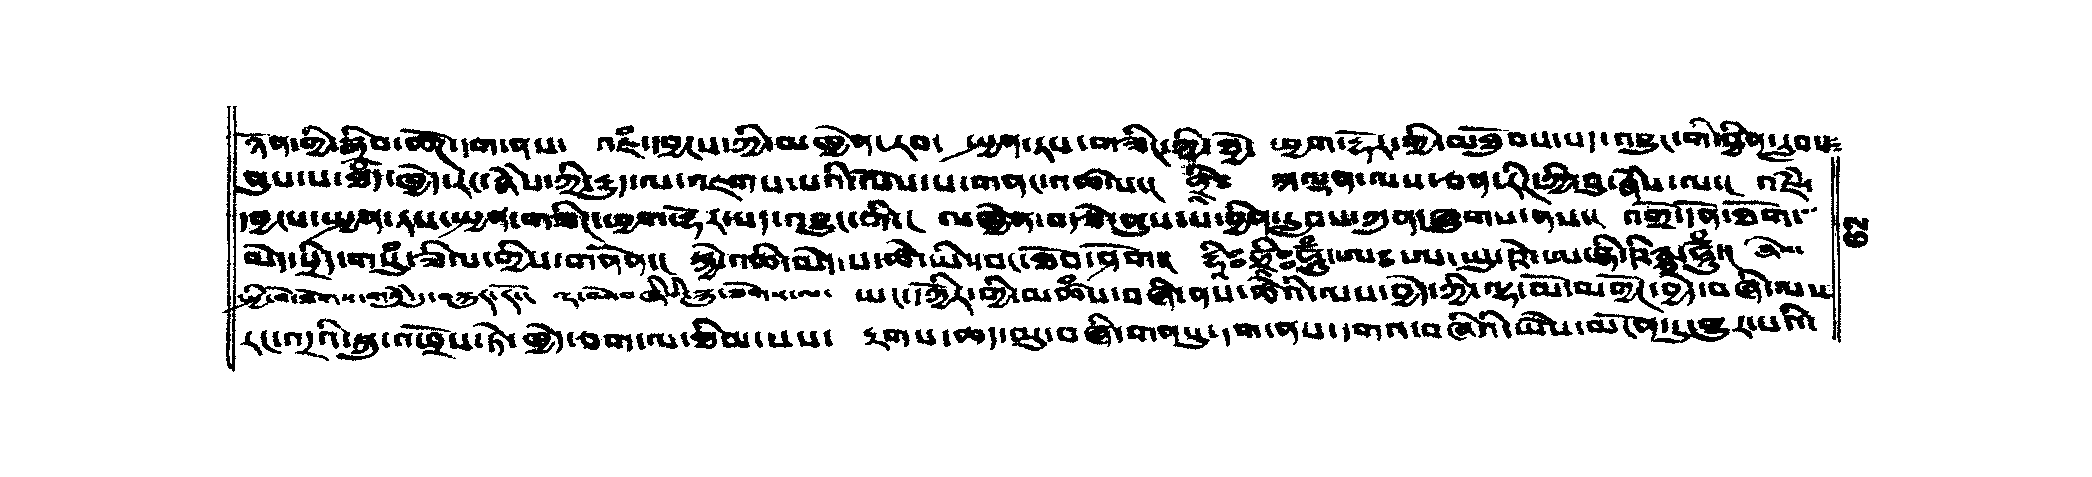ཉོན་གྱི་སྒྲིབ་ཚོགས་དག་ནས། འཇམ་དབྱངས་ཀྱི་མཁྱེན་རབ། སྤྱན་རས་གཟིགས་ཀྱི་ཐུགས་རྗེ། ཕྱག་རྡོར་གྱི་མཐུ་སྟོབས་པད་འབྱུང་གི་བྱིན་རླབས་
ནུས་པ་ཐམས་ཅད་ཁྱེད་རང་རྣམས་ཀྱི་རྒྱུད་ལ་འཇགས་པའི་མོས་པ་གནང་འཚལ། ཧྲཱིཿ སྐལ་ལྡན་ལས་ཅན་རིགས་ཀྱི་བུ་རྣམས་ལ། འཇམ་
དབྱངས་སྤྱན་རས་སྤྱན་གཟིགས་ཕྱག་རྡོར་པད་འབྱུང་གི མཁྱེན་བརྩེ་ནུས་པ་བྱིན་རླབས་ཀུན་ཞུགས་ནས། འགྲོ་དོན་ཐོག་
མེད་སྲིད་གསུམ་ཟིལ་གྱིས་གནོན། སྐྱེ་འཆི་མེད་པ་ཚེ་ཡི་དབང་ཐོབ་ཤོག དྷཱིཿཧྲཱིཿཧཱུྃ་ཨཿཨ་ཡུ་རེ་ཨ་བྷི་རིཉྩ་ཧཱུྃ། ཞེས་
སྤྱི་བོ་ཐོགས་གསུམ་དུ་བསྐུར་རོ། ལྷ་མོ་བཞིའི་སྐུ་ཐོགས་ལ། ཡང་དཀྱིལ་འཁོར་གྱི་མཚམས་བཞི་ནས་ཚེའི་ལས་བྱེད་ཀྱི་ལྷ་མོ་མགྱོགས་བྱེད་བཞི་ལས་
རང་འདྲའི་སྐུ་འཕྲོས་ཏེ་ཁྱེད་ཅག་ལ་ཐིམ་པས། རྟགས་ཆད་མུ་བཞི་གནས་སུ་དག་ནས་དགའ་བཞིའི་ཡེ་ཤེས་མངོན་དུ་གྱུར་པའི་